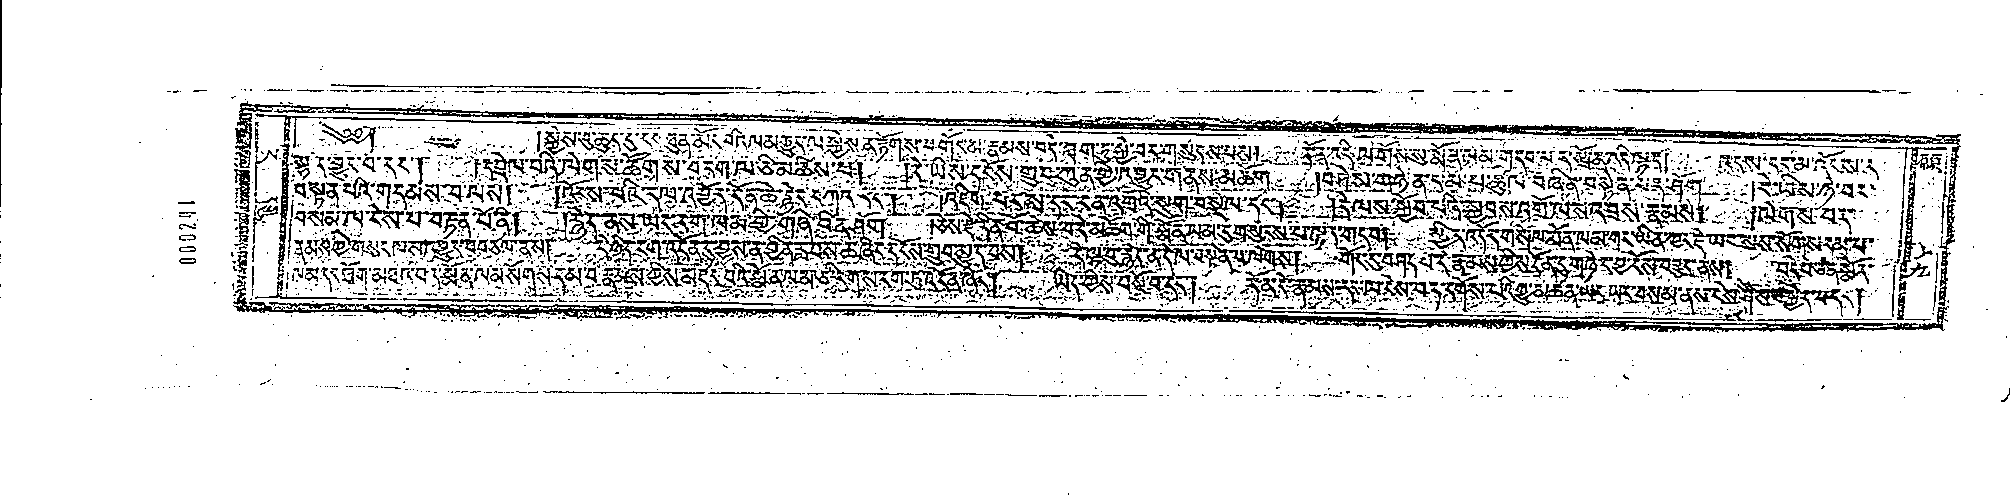༄༅། །སྐྱེས་བུ་ཆུང་དུ་དང་ཐུན་མོང་བའི་ལམ་རྒྱུད་ལ་སྐྱས་ན་རྟོགས་པ་གོང་མ་རྣམས་བདེ་བླག་ཏུ་སྐྱེ་བར་གསུངས་པས། དོན་འདི་ལ་གོས་སུ་སྨོན་ལམ་གདབ་པར་སྨོན་འདི་ལྟར། འདས་དང་མ་འོངས་ད་
ལྟར་བྱུང་བ་དང་། །འབྲེལ་བའི་ལེགས་ཚོགས་བདག་ལ་ཅི་མཆིས་པ། །དེ་ཡིས་དངོས་གྲུབ་ཀུན་གྱི་འབྱུང་གནས་མཆོག །བཤེས་གཉེན་དམ་པ་ཚུལ་བཞིན་བསྟེན་པར་ཤོག །དེ་ཡིས་ཉེ་བར་
བསྟན་པའི་གདམས་བ་ལས། །འོངས་པའི་དལ་འབྱོར་དོན་ཆེ་རྙེང་དཀའ་དང་། །འཇིག་པར་སླ་རང་ངན་འགྲོའི་སྡུག་བསྔལ་དང་། །དེ་ལས་སྐྱོབ་པའི་སྐྱབས་འགྲོ་ལས་འབྲས་རྣམས། །ལེགས་པར་
བསམ་ལ་ངེས་པ་བརྟན་པོ་ནི། །རྙེད་ནས་ཡང་དག་ལམ་གྱི་གཞི་བྱིན་ཤོག །ཅེས་རྗེ་རིན་བོ་ཆེས་བདེ་མཆོག་གི་སྨོན་ལམ་དུ་གསུངས་པ་ལྟར་གདབ། སྤྱིར་འདོད་གསོལ་མོན་ལམ་གང་ཡིན་ཀྱང་རྗེ་ཡབ་སྲས་སོགས་དམ་པ་
རྣམས་ཀྱི་གསུང་ལས་འབྱུང་བ་བཙལ་ནས། དེ་ཉིད་ངག་འདོན་དུ་བྱས་ན་བྱིན་རླབས་ཆེ་ཞིང་དངོས་གྲུབ་མྱུར་བས། དེ་ལྟ་བུ་རྙེད་ན་དེ་ལ་བསྟེན་པ་ལེགས། གོང་དུ་བཤད་པ་དེ་རྣམས་ཀྱིས་དོན་དུ་གཉེར་བྱ་ངོས་བཟུང་ནས། བདེ་བ་ཅན་སྨོན་
ལམ་དང་ཐོག་མཐའ་བར་སྨོན་ལམ་སོགས་དམ་པ་རྣམས་ཀྱིས་མཛད་བའི་སྨོན་ལམ་ཅི་རིགས་དག་ཏུ་འདོན་ཞིང་། ཡིད་ཀྱིས་བསྔོ་བ་དང་། དོན་ངེ་རྣམས་རང་ལ་ངེས་བར་དགོས་པའི་རྒྱུ་མཚན་ཡང་ཡང་བསམ་ནས་ངེས་ཤེས་བསྐྱེད་པ་དང་།